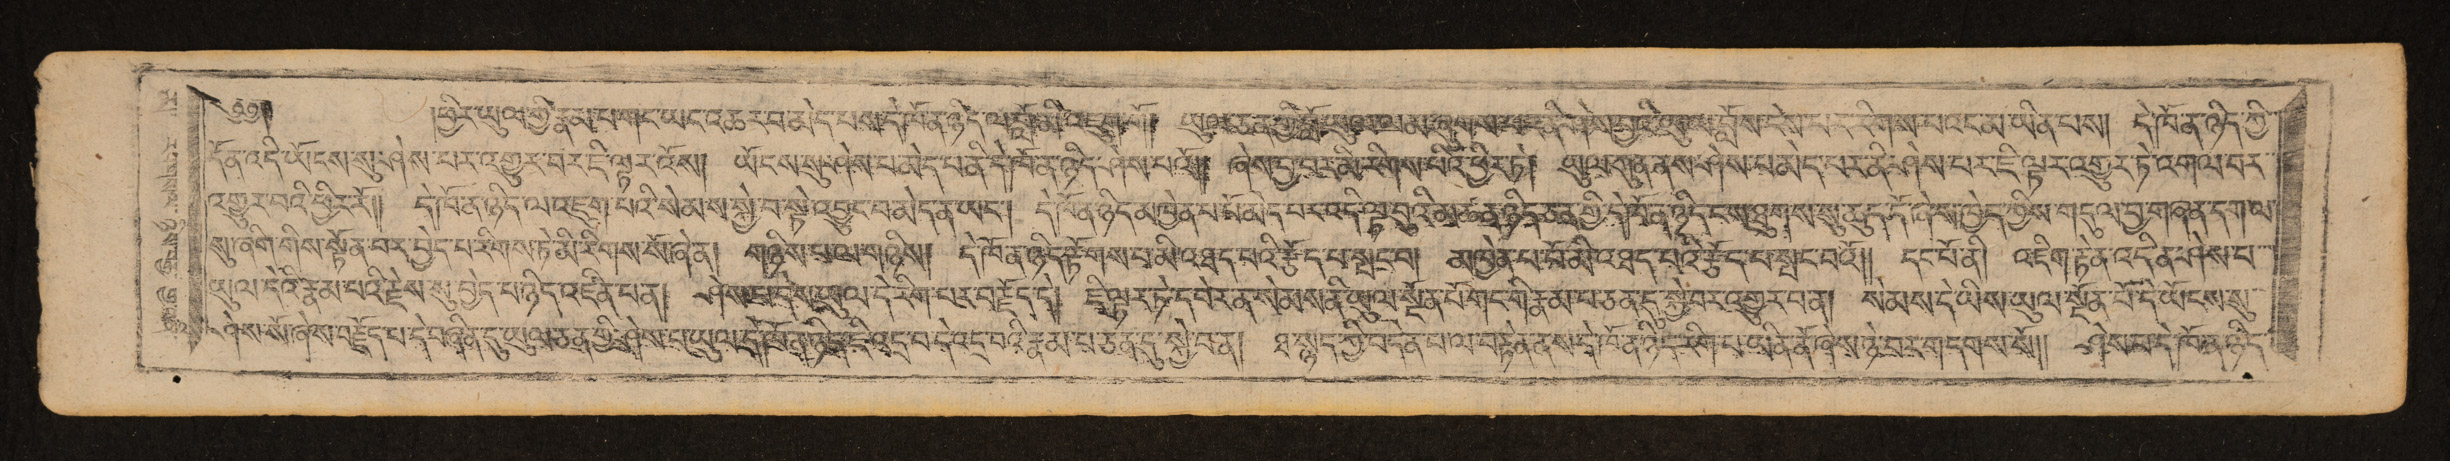༄༅། །ཕྱིར་ཡུལ་གྱི་རྣམ་པ་གང་ཡང་འཆར་བ་མེད་པས་དེ་ཁོ་ན་ཉིད་ལ་བློ་མི་འཇུག་གོ། ཡུལ་ཅན་གྱི་བློ་ཡུལ་ལམ་ཞུགས་པར་ནི་ཤེས་བྱའི་ཡུལ་བློས་ངེས་པར་རིགས་པའང་མ་ཡིན་པས། དེ་ཁོ་ན་ཉིད་ཀྱི་
དོན་འདི་ཡོངས་སུ་ཤེས་པར་འགྱུར་བར་ཇི་ལྟར་འོས། ཡོངས་སུ་ཤེས་པ་མེད་པ་ནི་དེ་ཁོ་ན་ཉིད་ཤེས་པའོ།། ཞེས་བྱ་བར་མི་རིགས་པའི་ཕྱིར་ཏེ། ཡུལ་ཀུན་ནས་ཤེས་པ་མེད་པར་ནི་ཤེས་པར་ཇི་ལྟར་འགྱུར་ཏེ་འགལ་བར་
འགྱུར་བའི་ཕྱིར་རོ།། དེ་ཁོ་ན་ཉིད་ལ་འཇུག་པའི་སེམས་སྐྱེ་བ་སྟེ་འབྱུང་བ་མེད་ན་ཡང་། དེ་ཁོ་ན་ཉིད་མཁྱེན་པ་པོ་མེད་པར་འདི་ལྟ་བུའི་མཚན་ཉིད་ཅན་གྱི་དེ་ཁོ་ན་ཉིད་ངས་ཐུགས་སུ་ཆུད་དོ་ཞེས་ཁྱེད་ཀྱིས་གདུལ་བྱ་གཞན་དག་ལ་
སུ་ཞིག་གིས་སྟོན་པར་བྱེད་པ་རིགས་ཏེ་མི་རིགས་སོ་ཞེ་ན། གཉིས་པ་ལ་གཉིས། དེ་ཁོ་ན་ཉིད་རྟོགས་པ་མི་འཐད་པའི་རྩོད་པ་སྤང་བ། མཁྱེན་པ་པོ་མི་འཐད་པའི་རྩོད་པ་སྤང་བའོ།། དང་པོ་ནི། འཇིག་རྟེན་འདི་ན་ཤེས་པ་
ཡུལ་དེའི་རྣམ་པའི་རྗེས་སུ་བྱེད་པ་ཉིད་འཛིན་པ་ན། ཤེས་པ་དེས་ཡུལ་དེ་རིག་པར་བརྗོད་དེ། ཇི་ལྟར་ཏེ་དཔེར་ན་སེམས་ནི་ཡུལ་སྔོན་པོ་གང་གི་རྣམ་པ་ཅན་དུ་སྐྱེ་བར་འགྱུར་བ་ན། སེམས་དེ་ཡིས་ཡུལ་སྔོན་པོ་དེ་ཡོངས་སུ་
ཤེས་སོ་ཞེས་བརྗོད་པ་དེ་བཞིན་དུ་ཡུལ་ཅན་གྱི་ཤེས་པ་ཡུལ་དེ་ཁོ་ན་ཉིད་ཇི་འདྲ་བ་དེ་འདྲ་བའི་རྣམ་པ་ཅན་དུ་སྐྱེ་བ་ན། ཐ་སྙད་ཀྱི་བདེན་པ་ལ་བརྟེན་ནས་དེ་ཁོ་ན་ཉིད་རིག་པ་ཡིན་ནོ་ཞེས་ཉེ་བར་གདགས་སོ།། ཤེས་པ་དེ་ཁོ་ན་ཉིད་